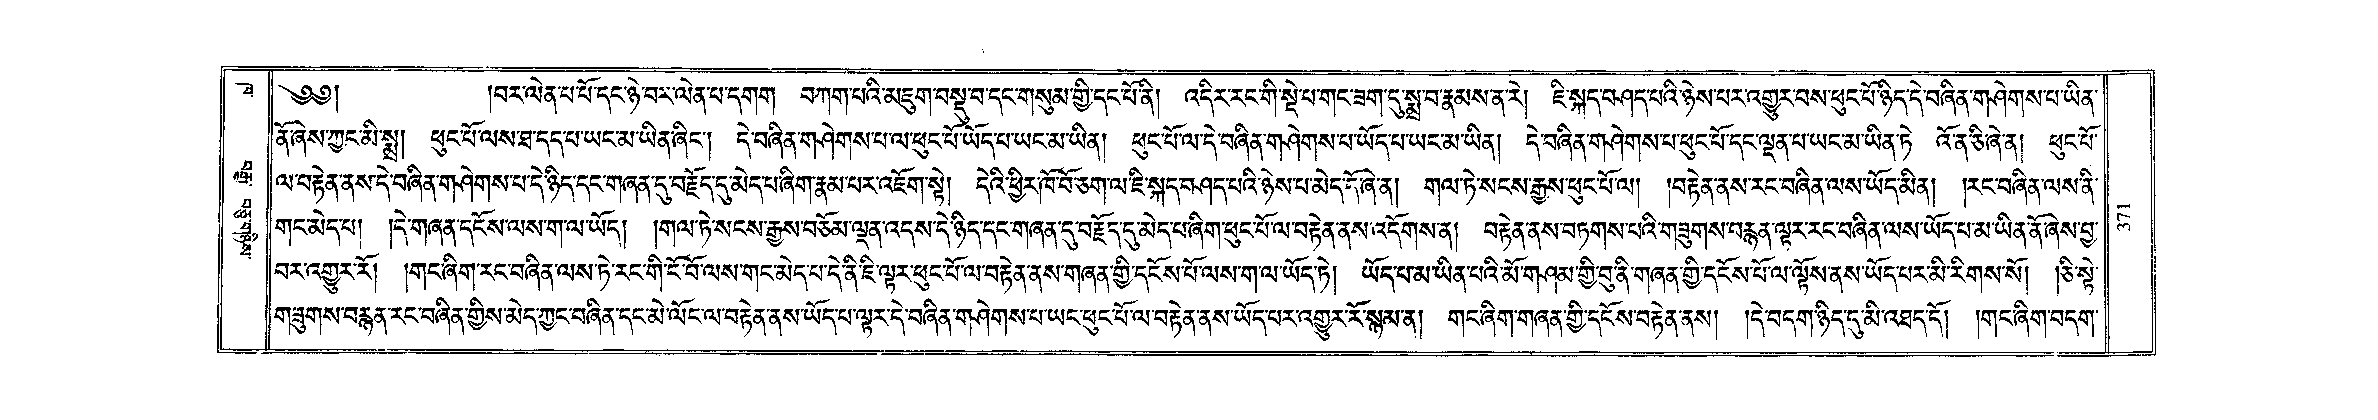༄༅། །བར་ལེན་པ་པོ་དང་ཉེ་བར་ལེན་པ་དགག་བཀག་པའི་མཇུག་བསྡུ་བ་དང་གསུམ་གྱི་དང་པོ་ནི། འདིར་རང་གི་སྡེ་པ་གང་ཟག་དུ་སྨྲ་བ་རྣམས་ན་རེ། ཇི་སྐད་བཤད་པའི་ཉེས་པར་འགྱུར་བས་ཕུང་པོ་ཉིད་དེ་བཞིན་གཤེགས་པ་ཡིན་
ནོ་ཞེས་ཀྱང་མི་སྨྲ། ཕུང་པོ་ལས་ཐ་དད་པ་ཡང་མ་ཡིན་ཞིང་། དེ་བཞིན་གཤེགས་པ་ལ་ཕུང་པོ་ཡོད་པ་ཡང་མ་ཡིན། ཕུང་པོ་ལ་དེ་བཞིན་གཤེགས་པ་ཡོད་པ་ཡང་མ་ཡིན། དེ་བཞིན་གཤེགས་པ་ཕུང་པོ་དང་ལྡན་པ་ཡང་མ་ཡིན་ཏེ། འོ་ན་ཅི་ཞེ་ན། ཕུང་པོ་
ལ་བརྟེན་ནས་དེ་བཞིན་གཤེགས་པ་དེ་ཉིད་དང་གཞན་དུ་བརྗོད་དུ་མེད་པ་ཞིག་རྣམ་པར་འཇོག་སྟེ། དེའི་ཕྱིར་ཁོ་བོ་ཅག་ལ་ཇི་སྐད་བཤད་པའི་ཉེས་པ་མེད་དོ་ཞེ་ན། གལ་ཏེ་སངས་རྒྱས་ཕུང་པོ་ལ། །བརྟེན་ནས་རང་བཞིན་ལས་ཡོད་མིན། །རང་བཞིན་ལས་ནི་
གང་མེད་པ། །དེ་གཞན་དངོས་ལས་ག་ལ་ཡོད། །གལ་ཏེ་སངས་རྒྱས་བཅོམ་ལྡན་འདས་དེ་ཉིད་དང་གཞན་དུ་བརྗོད་དུ་མེད་པ་ཞིག་ཕུང་པོ་ལ་བརྟེན་ནས་འདོགས་ན། བརྟེན་ནས་བརྟགས་པའི་གཟུགས་བརྙན་ལྟར་རང་བཞིན་ལས་ཡོད་པ་མ་ཡིན་ནོ་ཞེས་བྱ་
བར་འགྱུར་རོ། །གང་ཞིག་རང་བཞིན་ལས་ཏེ་རང་གི་ངོ་བོ་ལས་གང་མེད་པ་དེ་ནི་ཇི་ལྟར་ཕུང་པོ་ལ་བརྟེན་ནས་གཞན་གྱི་དངོས་པོ་ལས་ག་ལ་ཡོད་ཏེ། ཡོད་པ་མ་ཡིན་པའི་མོ་གཤམ་གྱི་བུ་ནི་གཞན་གྱི་དངོས་པོ་ལ་ལྟོས་ནས་ཡོད་པར་མི་རིགས་སོ། །ཅི་སྟེ་
གཟུགས་བརྙན་རང་བཞིན་གྱིས་མེད་ཀྱང་བཞིན་དང་མེ་ལོང་ལ་བརྟེན་ནས་ཡོད་པ་ལྟར་དེ་བཞིན་གཤེགས་པ་ཡང་ཕུང་པོ་ལ་བརྟེན་ནས་ཡོད་པར་འགྱུར་རོ་སྙམ་ན། གང་ཞིག་གཞན་གྱི་དངོས་བརྟེན་ནས། །དེ་བདག་ཉིད་དུ་མི་འཐད་དོ། །གང་ཞིག་བདག་